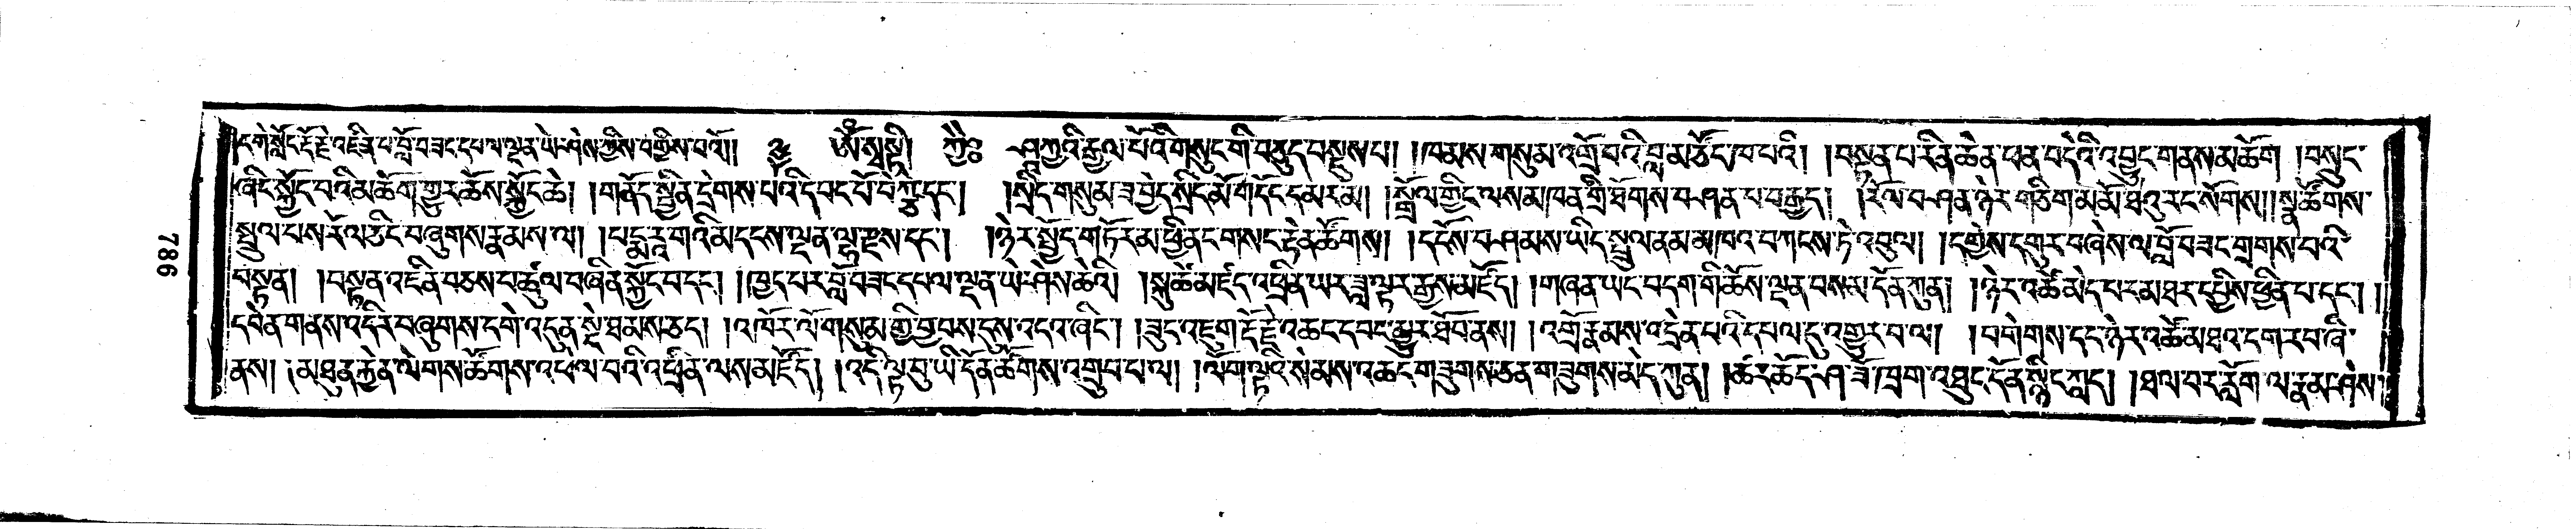དགེ་སློང་རྡོ་རྗེ་འཛིན་པ་བློ་བཟང་དཔལ་ལྡན་ཡེ་ཤེས་ཀྱིས་བགྱིས་པའོ།། ༈ ཨོཾ་སྭསྟི། ཀྱཻཿ ཤཱཀྱའི་རྒྱལ་པོའི་གསུང་གི་བཅུད་བསྡུས་པ། །ཁམས་གསུམ་འགྲོ་བའི་བླ་མ་ཙོང་ཁ་པའི། །བསྟན་པ་རིན་ཆེན་ཕན་བདེའི་འབྱུང་གནས་མཆོག །བསྲུང་
ཞིང་སྐྱོད་བའི་མཆོག་གྱུར་ཆོས་སྐྱོང་ཆེ། །གནོད་སྦྱིན་དྲེགས་པའི་དབང་པོ་བེཀྩེ་དང་། །སྲིད་གསུམ་ཟ་བྱེད་སྲིད་མོ་གདོང་དམར་མ། །སྒྲོལ་གྱིང་ལས་མཁན་གྲི་ཐོགས་བཤན་པ་བརྒྱད། །རོལ་བཤན་ཉེར་གཅིག་མ་མོ་ཐེའུ་རང་སོགས། །སྣ་ཚོགས་
སྤྲུལ་པས་རོལ་ཅིང་བཞུགས་རྣམས་ལ། །པདམ་རཱ་གའི་མདངས་ལྡན་ལྷ་རྫས་དང་། །ཉེར་སྤྱོད་གཏོར་མ་ཕྱི་ནང་གསང་རྟེན་ཚོགས། །དངོས་བཤམས་ཡིད་སྤྲུལ་ནམ་མཁའ་བཀངས་ཏེ་འབུལ། །དགྱེས་དགུར་བཞེས་ལ་བློ་བཟང་གྲགས་པའི་
བསྟན། །བསྟན་འཛིན་བཅས་པ་ཚུལ་བཞིན་སྐྱོང་བ་དང་། །ཁྱད་པར་བློ་བཟང་དཔལ་ལྡན་ཡེ་ཤེས་ཆེའི། །སྐུ་ཚེ་མཛད་འཕྲིན་ཡར་ཟླ་ལྟར་རྒྱས་མཛོད། །གཞན་ཡང་བདག་གི་ཆོས་ལྡན་བསམ་དོན་ཀུན། །ཉེར་འཚེ་མེད་པར་མཐར་དཔྱིས་ཕྱིན་པ་དང་། །
དབེན་གནས་འདིར་བཞུགས་དགེ་འདུན་སྡེ་ཐམས་ཅད། །འཁོར་ལོ་གསུམ་གྱི་བྱ་བས་དུས་འདའ་ཞིང་། །ཟུང་འཇུག་རྡོ་རྗེ་འཆང་དབང་མྱུར་ཐོབ་ནས། །འགྲོ་རྣམས་འདྲེན་པའི་དཔལ་དུ་འགྱུར་བ་ལ། །བགེགས་དང་ཉེར་འཚོ་མཐའ་དག་རབ་ཞི་
ནས། ༑མཐུན་རྐྱེན་ལེགས་ཚོགས་འཕེལ་བའི་འཕྲིན་ལས་མཛོད། །འདི་ལྟ་བུ་ཡི་དོན་ཚོགས་འགྲུབ་པ་ལ། །ལོག་ལྟའི་སེམས་འཆང་གཟུགས་ཅན་གཟུགས་མེད་ཀུན། །ཚར་ཆོད་ཤ་ཟོ་ཁྲག་འཐུང་དོན་སྙིང་ཀླད། །ཐལ་བར་རློག་ལ་རྣམ་ཤེས་